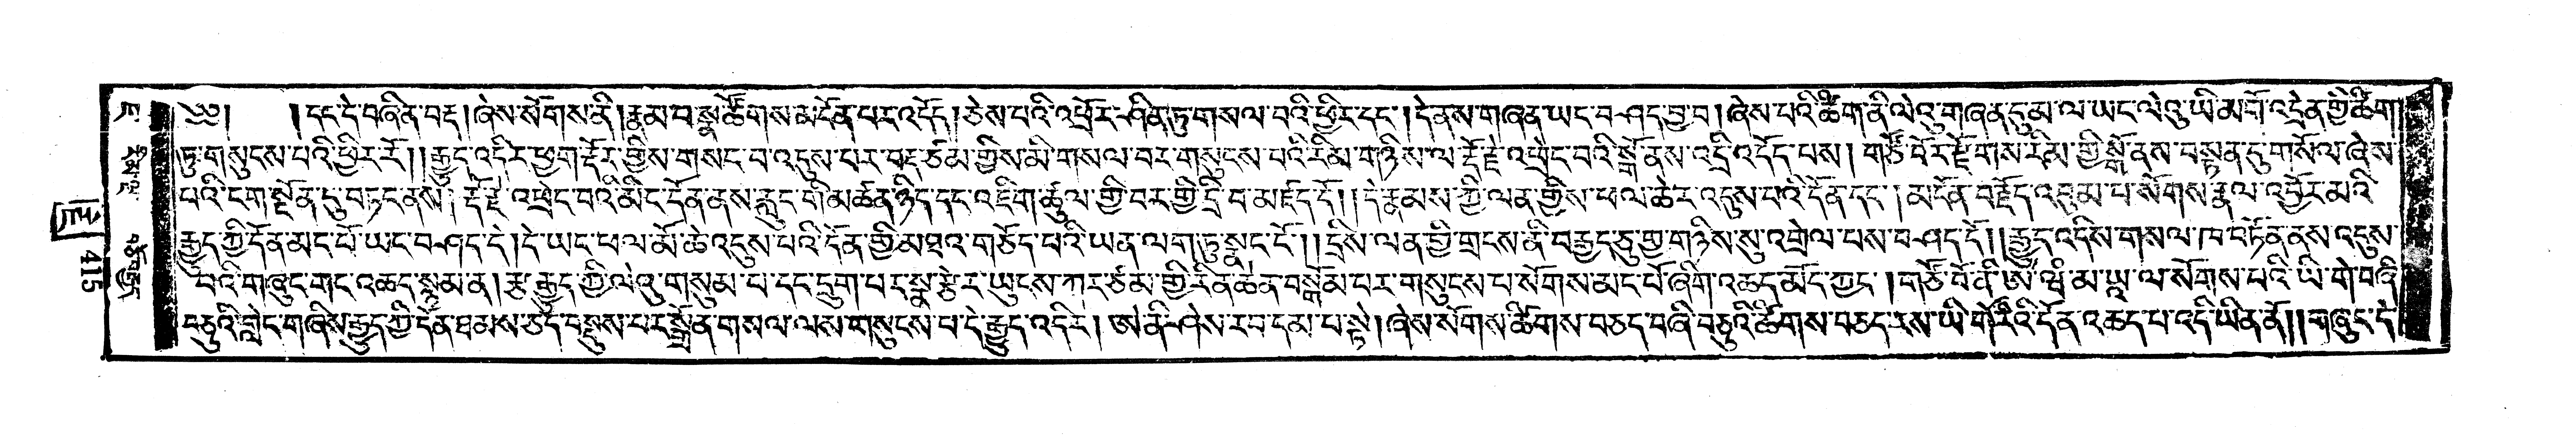༄༅། །དང་དེ་བཞིན་བརྡ། ཞེས་སོགས་ནི། རྣམ་པ་སྣ་ཚོགས་མངོན་པར་འདོད། ཅེས་པའི་འཕྲོར་ཤིན་ཏུ་གསལ་བའི་ཕྱིར་དང་། དེ་ནས་གཞན་ཡང་བཤད་བྱ་བ། ཞེས་པའི་ཚིག་ནི་ལེའུ་གཞན་དུ་མ་ལ་ཡང་ལེའུ་ཡི་མགོ་འདྲེན་གྱི་ཚིག་
ཏུ་གསུངས་པའི་ཕྱིར་རོ། །རྒྱུད་འདིར་ཕྱག་རྡོར་གྱིས་གསང་བ་འདུས་པར་བརྡ་ཙམ་གྱིས་མི་གསལ་བར་གསུངས་པའི་རིམ་གཉིས་ལ་རྡོ་རྗེ་འཕྲེང་བའི་སྒོ་ནས་འདྲི་འདོད་པས། གཙོ་བོར་རྫོགས་རིམ་གྱི་སྒོ་ནས་བསྟན་དུ་གསོལ་ཞེས་
པའི་ངག་སྔོན་དུ་བཏང་ནས་རྡོ་རྗེ་འཕྲེང་བའི་མིང་དོན་ནས་རླུང་གི་མཚན་ཉིད་དང་འཇིག་ཚུལ་གྱི་བར་གྱི་དྲི་བ་མཛད་དོ། །དེ་རྣམས་ཀྱི་ལན་གྱིས་ཕལ་ཆེར་འདུས་པའི་དོན་དང་། མངོན་བརྗོད་འབུམ་པ་སོགས་རྣལ་འབྱོར་མའི་
རྒྱུད་ཀྱི་དོན་མང་པོ་ཡང་བཤད་དེ། དེ་ཡང་ཕལ་མོ་ཆེ་འདུས་པའི་དོན་གྱི་མཐའ་གཅོད་པའི་ཡན་ལག་ཏུ་སྣང་ངོ། །དྲིས་ལན་གྱི་གྲངས་ནི་བརྒྱད་ཅུ་གྱ་གཉིས་སུ་འགྲེལ་པས་བཤད་དོ། །རྒྱུད་འདིས་གསལ་ཁ་བཏོན་ནས་འདུས་
པའི་གཞུང་གང་འཆད་སྙམ་ན། རྩ་རྒྱུད་ཀྱི་ལེའུ་གསུམ་པ་དང་དྲུག་པར་སྣ་རྩེར་ཡུངས་ཀར་ཙམ་གྱི་རིན་ཆེན་བསྒོམ་པར་གསུངས་པ་སོགས་མང་པོ་ཞིག་འཆད་མོད་ཀྱང་། གཙོ་བོ་ནི་ཨེ་ཝཾ་མ་ཡཱ་ལ་སོགས་པའི་ཡི་གེ་བཞི་
བཅུའི་གླེང་གཞིས་རྒྱུད་ཀྱི་དོན་ཐམས་ཅད་བསྡུས་པར་སྒྲོན་གསལ་ལས་གསུངས་པ་དེ་རྒྱུད་འདིར། ཨེ་ནི་ཤེས་རབ་དམ་པ་སྟེ། ཞེས་སོགས་ཚིགས་བཅད་བཞི་བཅུའི་ཚིགས་བཅད་རས་ཡི་གེ་རེའི་དོན་འཆད་པ་འདི་ཡིན་ནོ། །གཞུང་དེ་